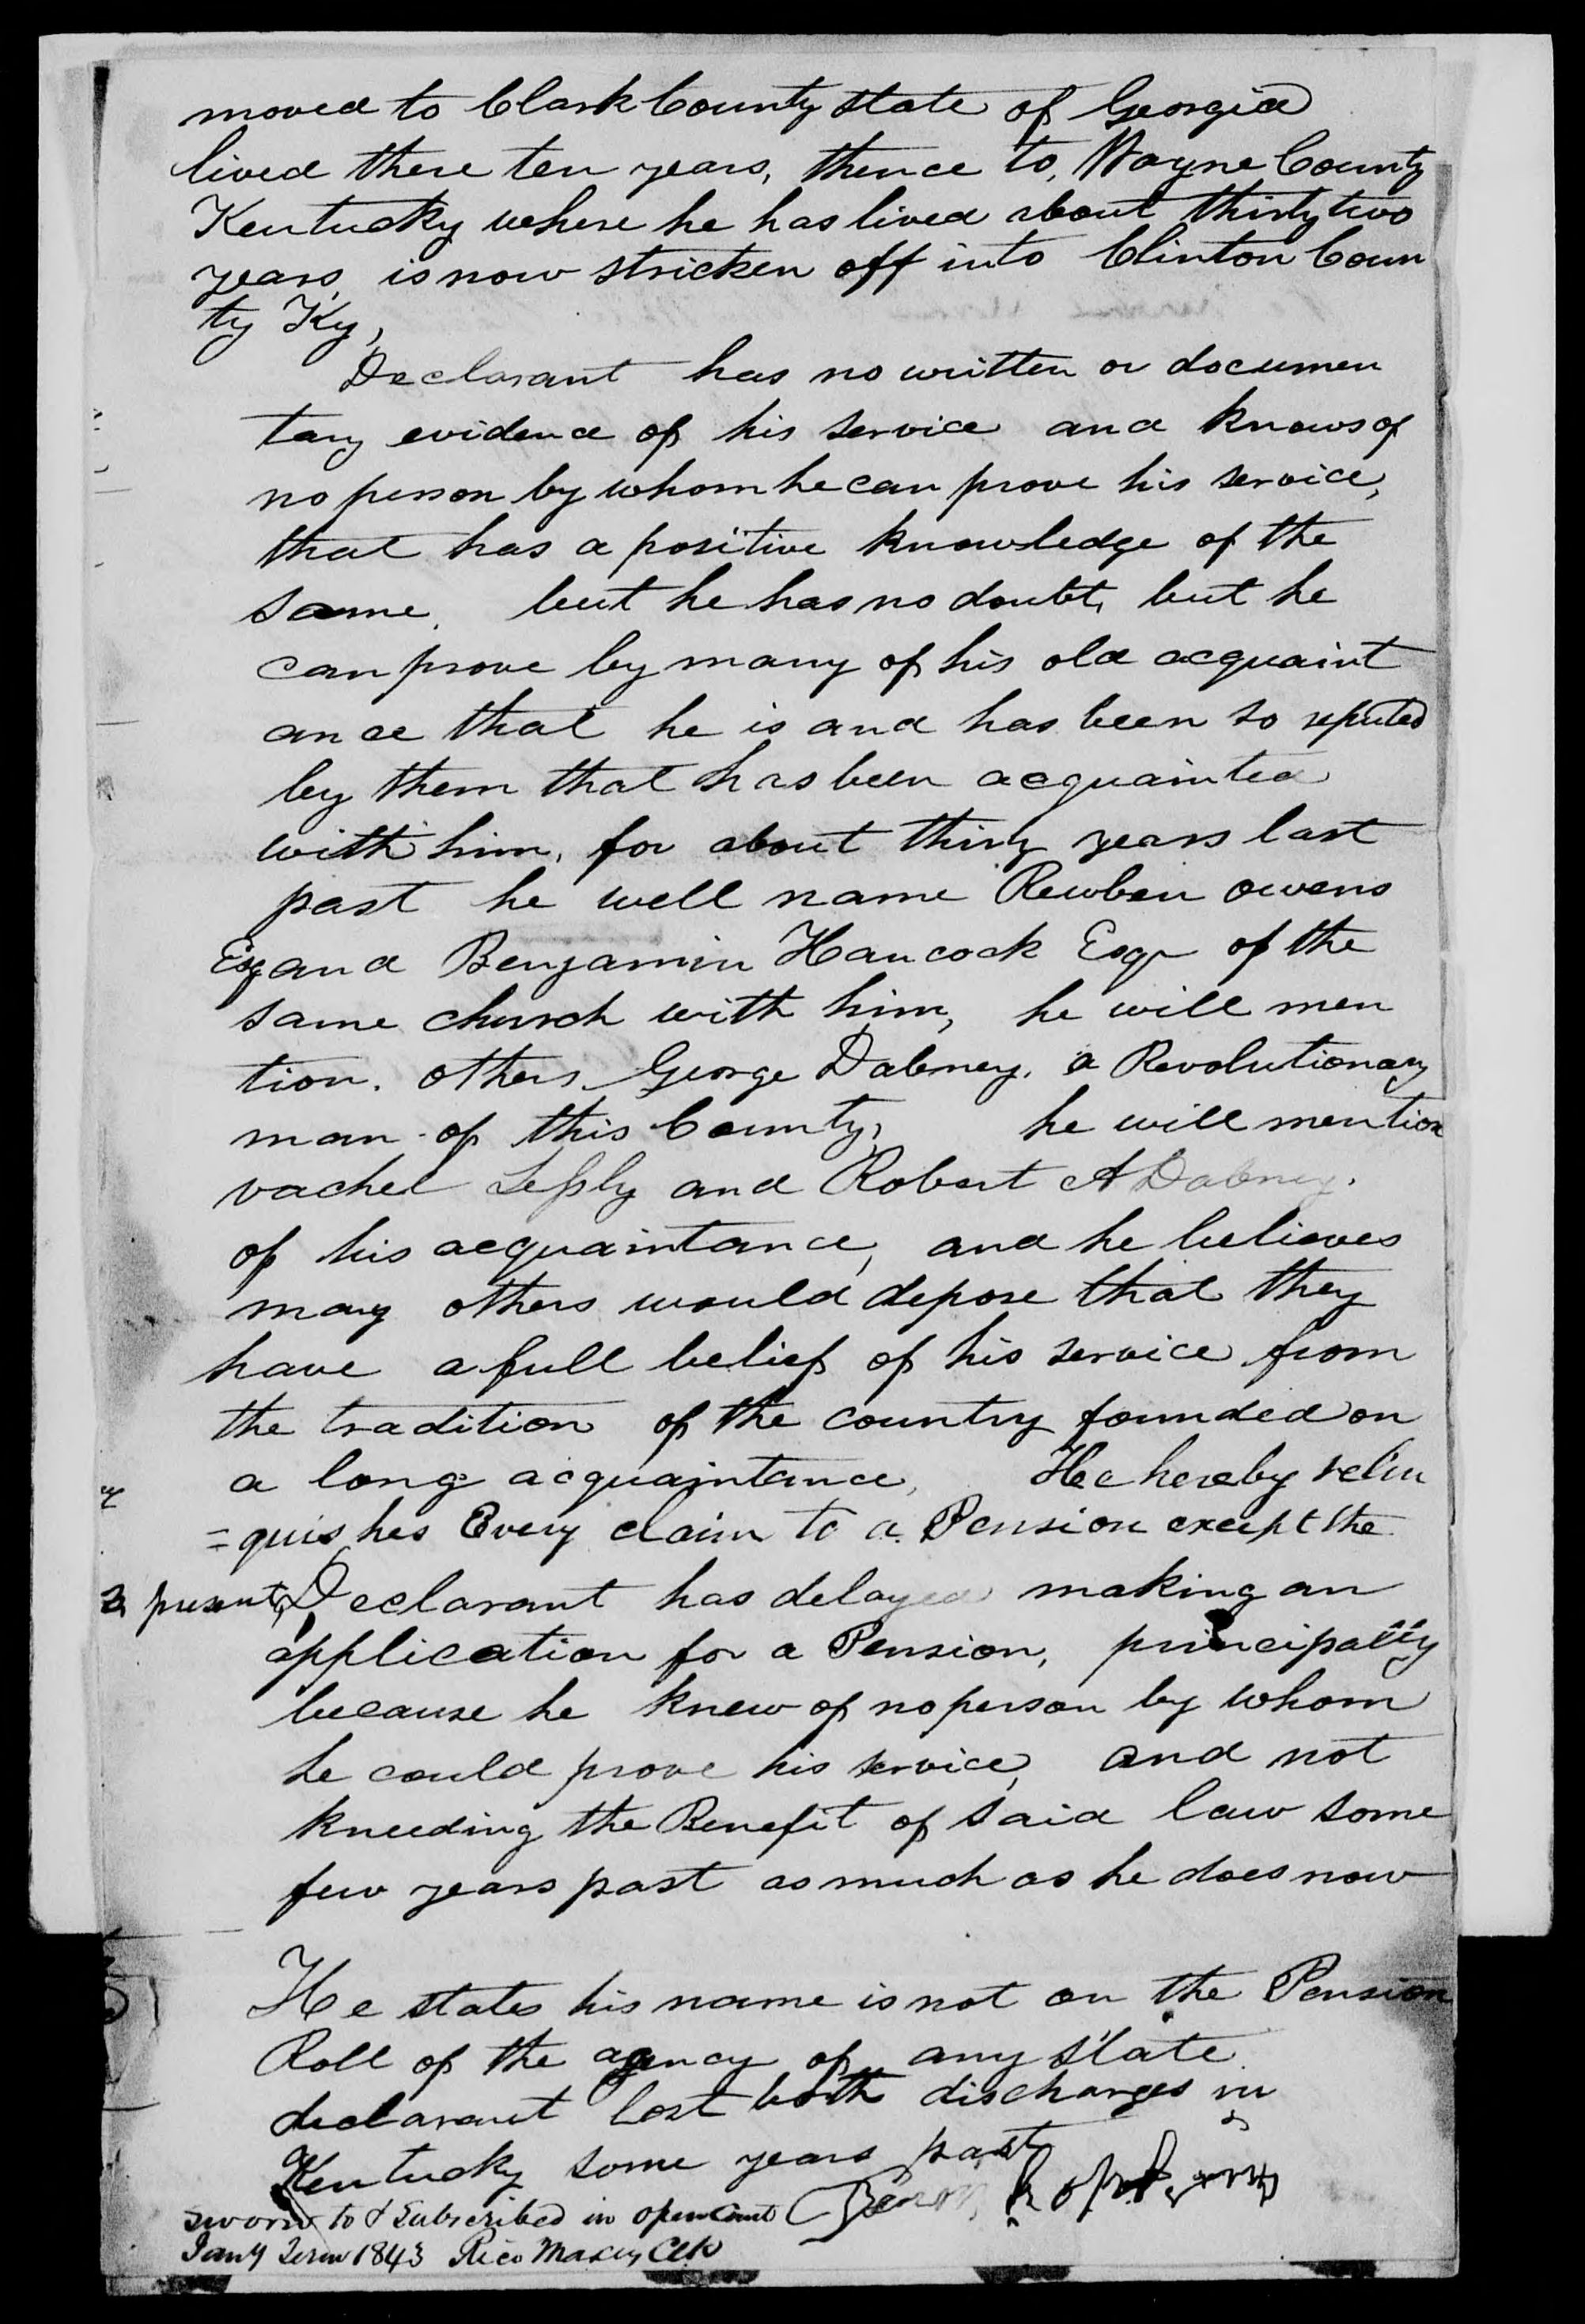moved to Clark County State of Georgia lived there ten years, thence to Wayne County Kentucky where has lived about thirty two years, is now stricken off into Clinton County Ky.

Declarant has no written or documentary evidence of his service and know of no person by whom he can prove his service, that has a positive knowledge of the same, but he has no doubt, but he can prove by many of his old acquaintance that he is and has been so reputed by them that has been acquainted with him, for about thirty years last past he well name Reubin Owens  Esq and Benjamin Hancock Esqr of the same church with him, he will mention. Others George Dabney, a Revolutionary man of this county, he will mention Vachel Lessly and Robert A Dabney of his acquaintance, and he believes many other would depose that they have a full belief of his service from the tradition of the county founded on a long acquaintance. He hereby relinquishes every claim to a pension except the present, Declarant has delayed making an application for a pension principally because he knew of no person by whom he could prove his service and not kneeding [needing] the benefit of said law some few years past as much as he does now.

He states his name is not on the Pension Roll of the agency of any state. Declarant lost both discharges in Kentucky some years past.  [signed] Dennis Hopkins
Sworn to and subscribed in open court Jany Term 1843 Rice Maxey Clk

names: Benjamin Hancock, Rice Maxey, Rewben Owens, George Dabney, Dennis Hopkins, Vachel Lessly, Robert A Dabney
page: 5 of 144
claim: rejected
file: R. 5208, Dennis Hopkins, N.C.